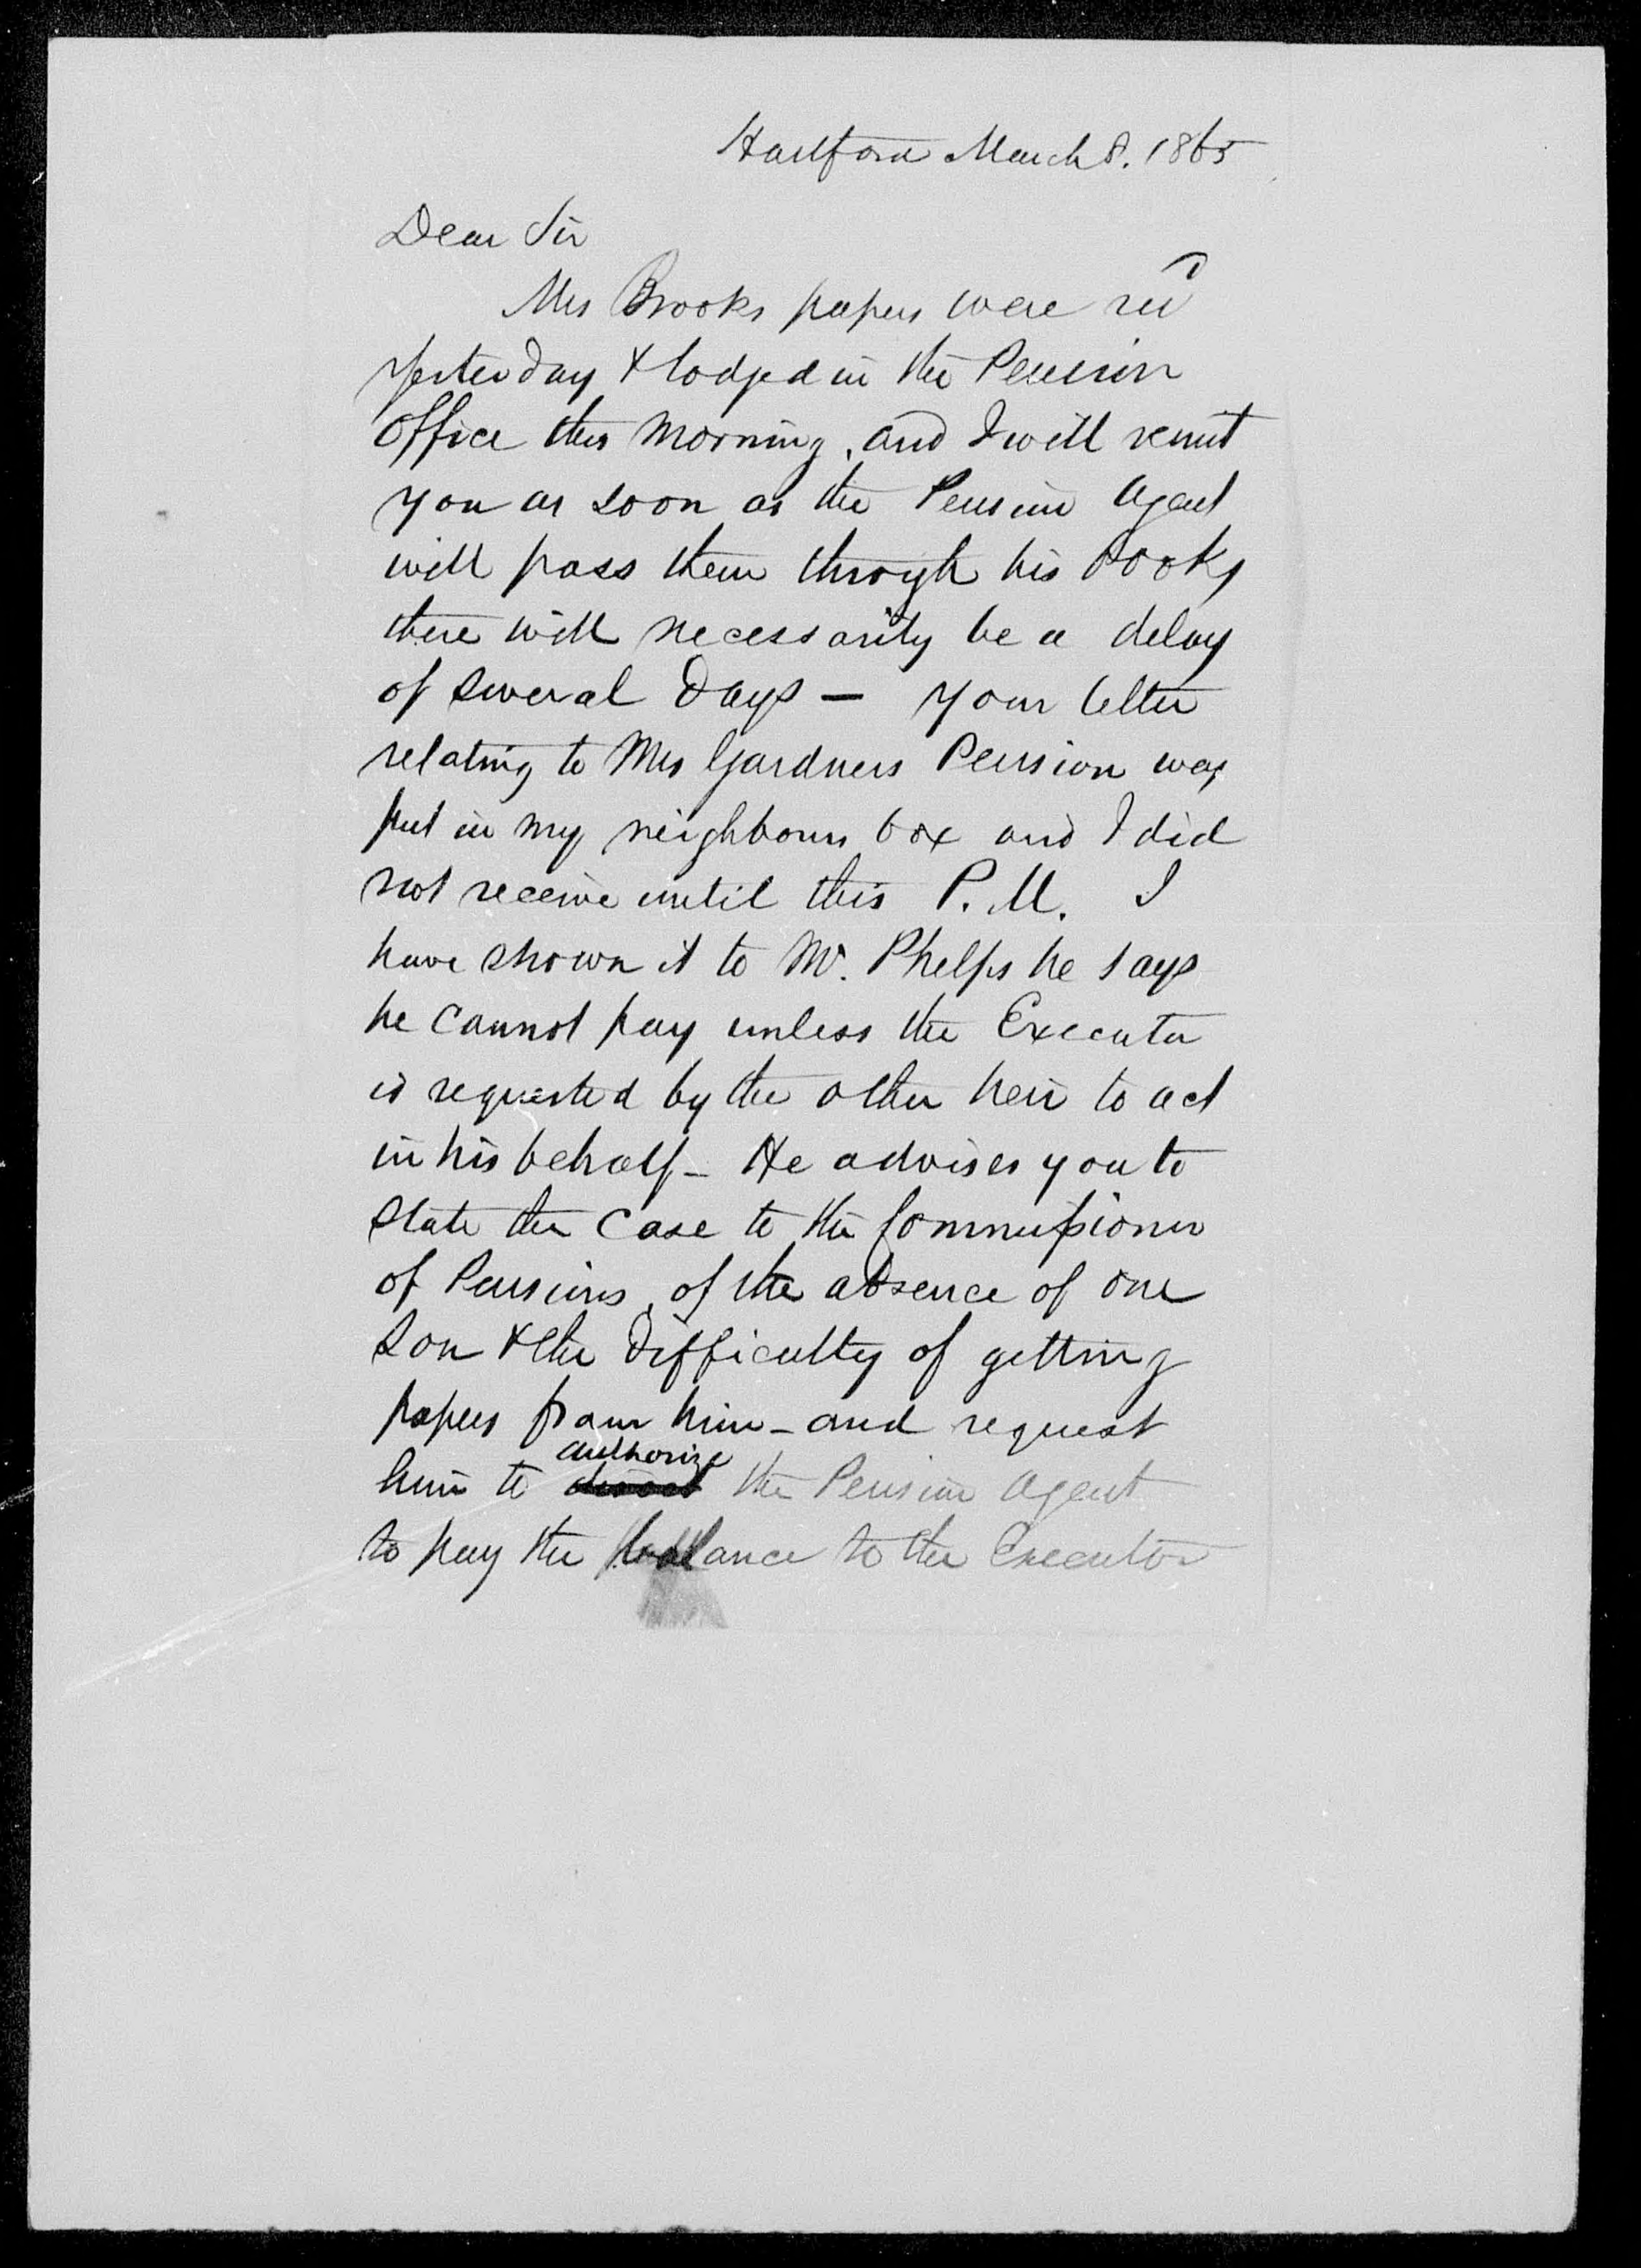Hartford, March 8, 1865
Dear Sir
Mrs. Brooks papers were rec'd yesterday and lodged in the Pension
office this morning, and I will __remit__
you as soon as the Pension Agent 
will pass them through his book,
there will necessarily be a delay
of several days- your letter
relating to Mrs. Gardners Pension was
put in my neighbours box and I did
not receive until this P.M.  I
have shown it to M. Phelps he says 
he cannot pay unless the Executor 
is requested by the other heir to act
in his behalf. he advises you to 
state the case to the Commisioner
of Pensions of the absence of one
son and the difficulty of getting
papers from him- and request
him to authorize the Pension agent
to pay the balance to the Executor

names: Brooks, Phelps, Gardner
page: 62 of 66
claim: widow's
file: W 1850, David Gardner, Conn.